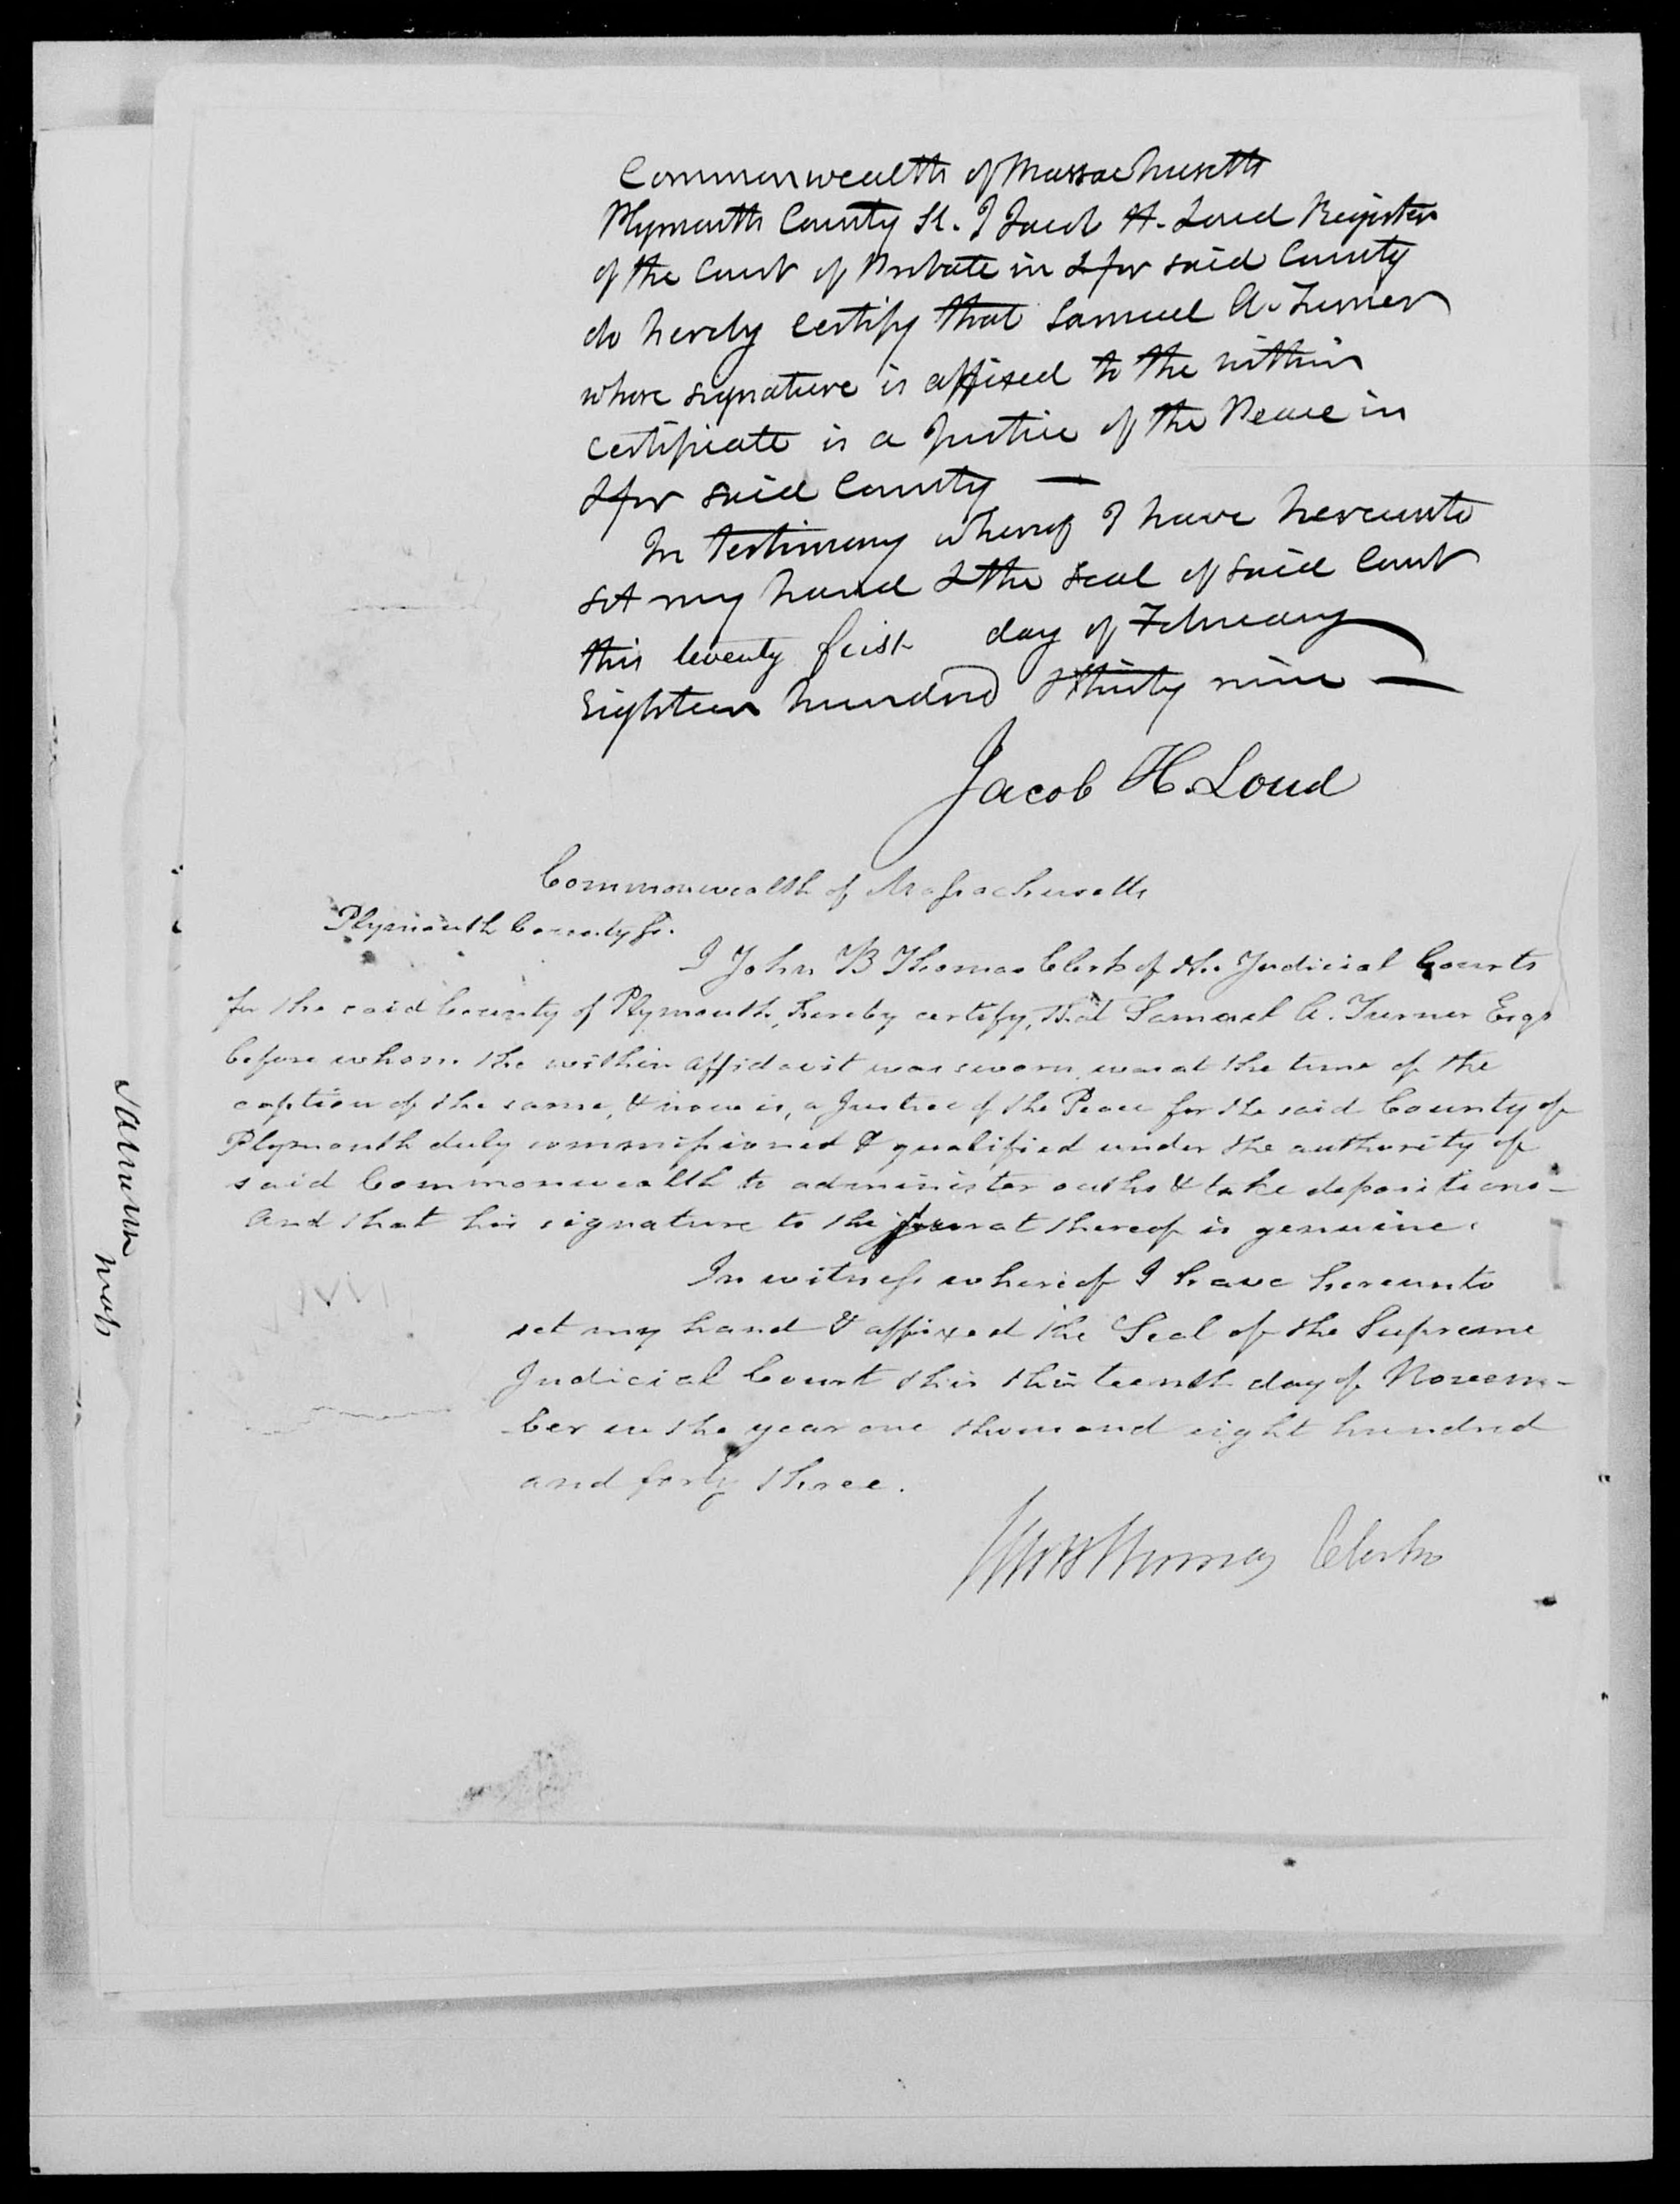Commonwealth of Massachusetts
Plymouth County SS. I Jacob H. Laud Register
of the Court of Probate in aforesaid County
do hereby certify that Samuel A Turner
whose signature is affixed to the within
certificate is a Justice of the Peace in
aforesaid County.
In testimony whereof I have hereunto
set my hand & the seal of said Court
this twenty first day of February
Eighteen hundred thirty nine.
Jacob H. Loud
Commonwealth of Massachusetts
Plymouth County ss
I John B Thomas Clerk of A. Judicial Courts
for the said County of Plymouth, hereby certify, that Samuel A. Turner Esq
before whom the within affidavit was sworn was at the time of the [illegible] of the same & now is, a Justice of the Peace for the said County of
Plymouth duly commissioned & qualified under the authority of
said Commonwealth to administer oaths & take depositions and
that his signature to the format thereof is genuine.
In witness whereof I have hereunto
set my hand & affixed the Seal of the Supreme
Judicial Court this thirteenth day of November in the year one thousand eight hundred
and forty three.
John B Thomas Clerk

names: Samuel A Turner; Jacob H Loud; John B Thomas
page: 16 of 54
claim: widow's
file: W. 26,897, for George Pitts, Massachusetts